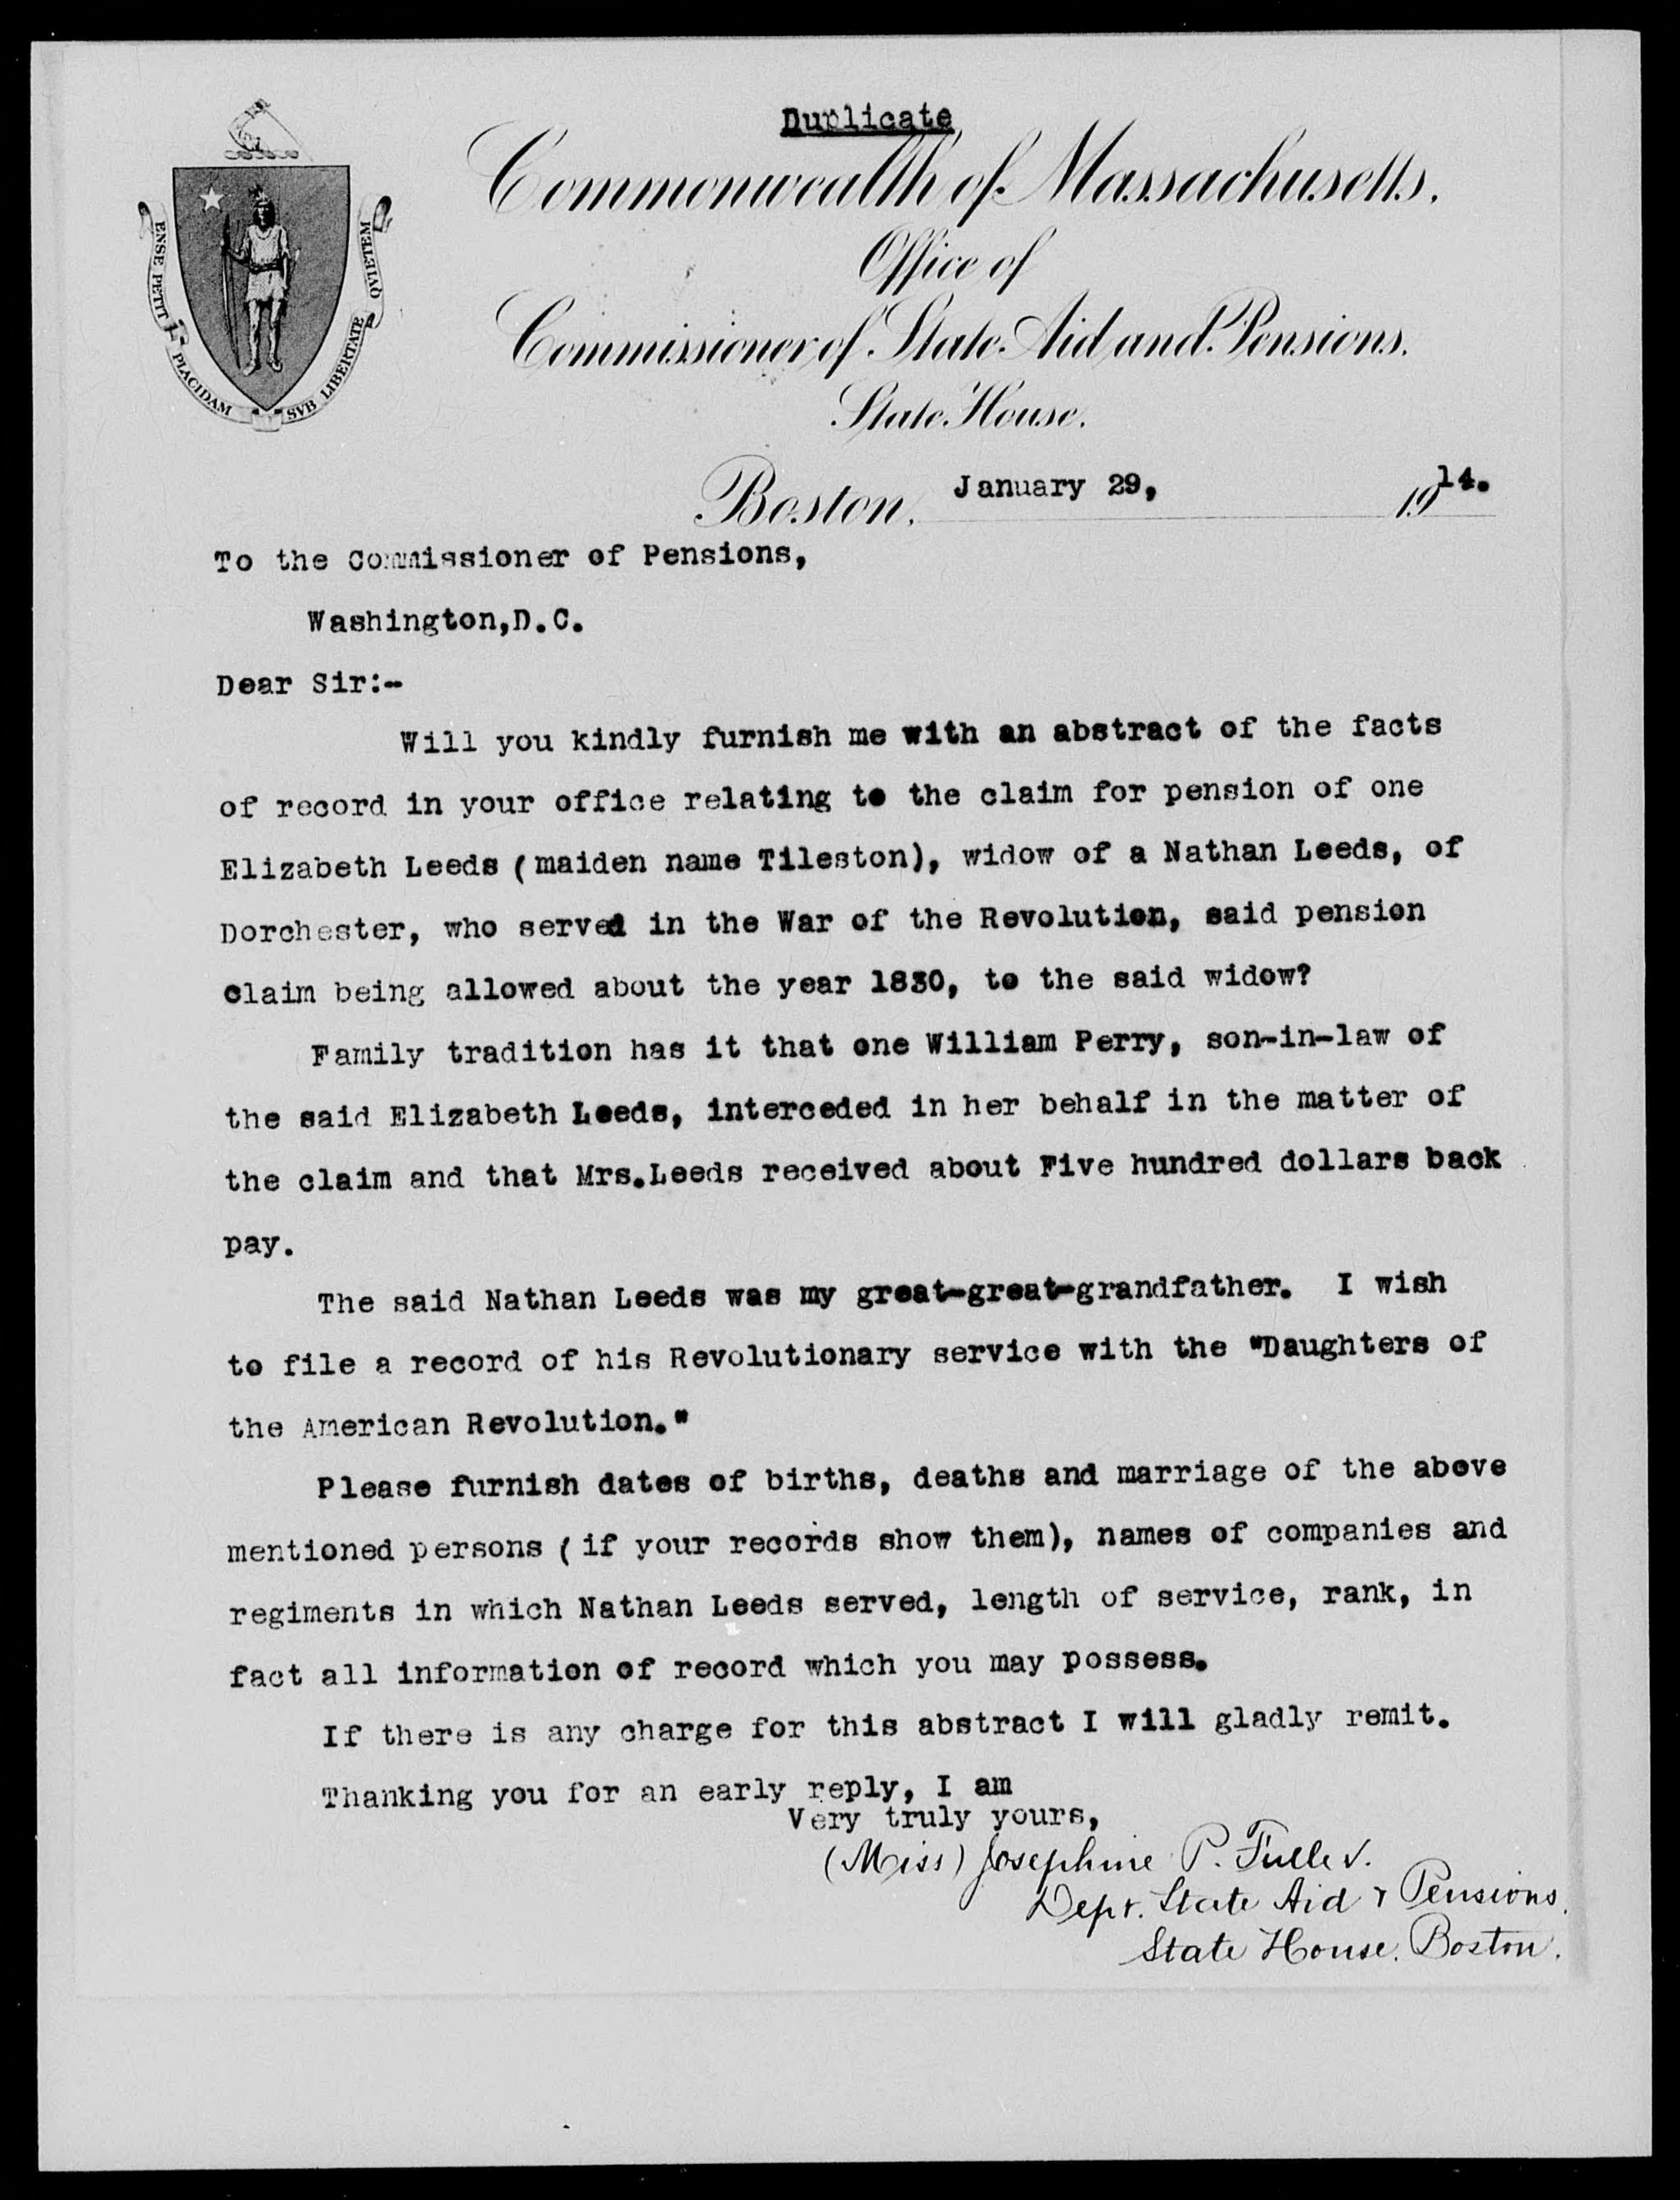Duplicate
Commonwealth of Massachusetts
Office of
Commissioner of
State And and Pensions
State House
Boston January 29, 1914

To the Commissioner of Pensions,
Washington, D. C.
Dear Sir:-
Will you kindly furnish me with an abstract of the facts
of record in your office relating to the claim for pension of one
Elizabeth Leeds (maiden name Tileston), widow of a Nathan Leeds, of
Dorchester, who served in the War of the Revolution said, pension
claim being allowed about the year 1830, to the said widow?
Family tradition has it that one William Perry, son-in-law of
the said Elizabeth Leeds, interceded in her behalf in the matter of
the claim and that Mrs. Leeds received about five hundred dollars back
pay.
The said Nathan Leeds was my great-great grandfather. I wish
to file a record of his Revolutionary service with the "Daughters of
the American Revolution."
Please furnish dates of births, deaths and marriage of the above
mentioned persons (if your records show them), names of companies and
regiments in which Nathan Leeds served, length of service, rank, in
fact all information of record which you may possess.
If there is any charge for this abstract I will gladly remit.
Thanking you for an early reply, I am
Very truly yours,
(Miss) Josephine P. Fuller
Dept. State Aid & Pensions
State House, Boston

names: Josephine P Fuller; [BLANK] Tileston; Elizabeth Leeds; Nathan Leeds; William Perry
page: 30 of 33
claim: widow's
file: W. 21,567, for Nathan Leeds, Massachusetts